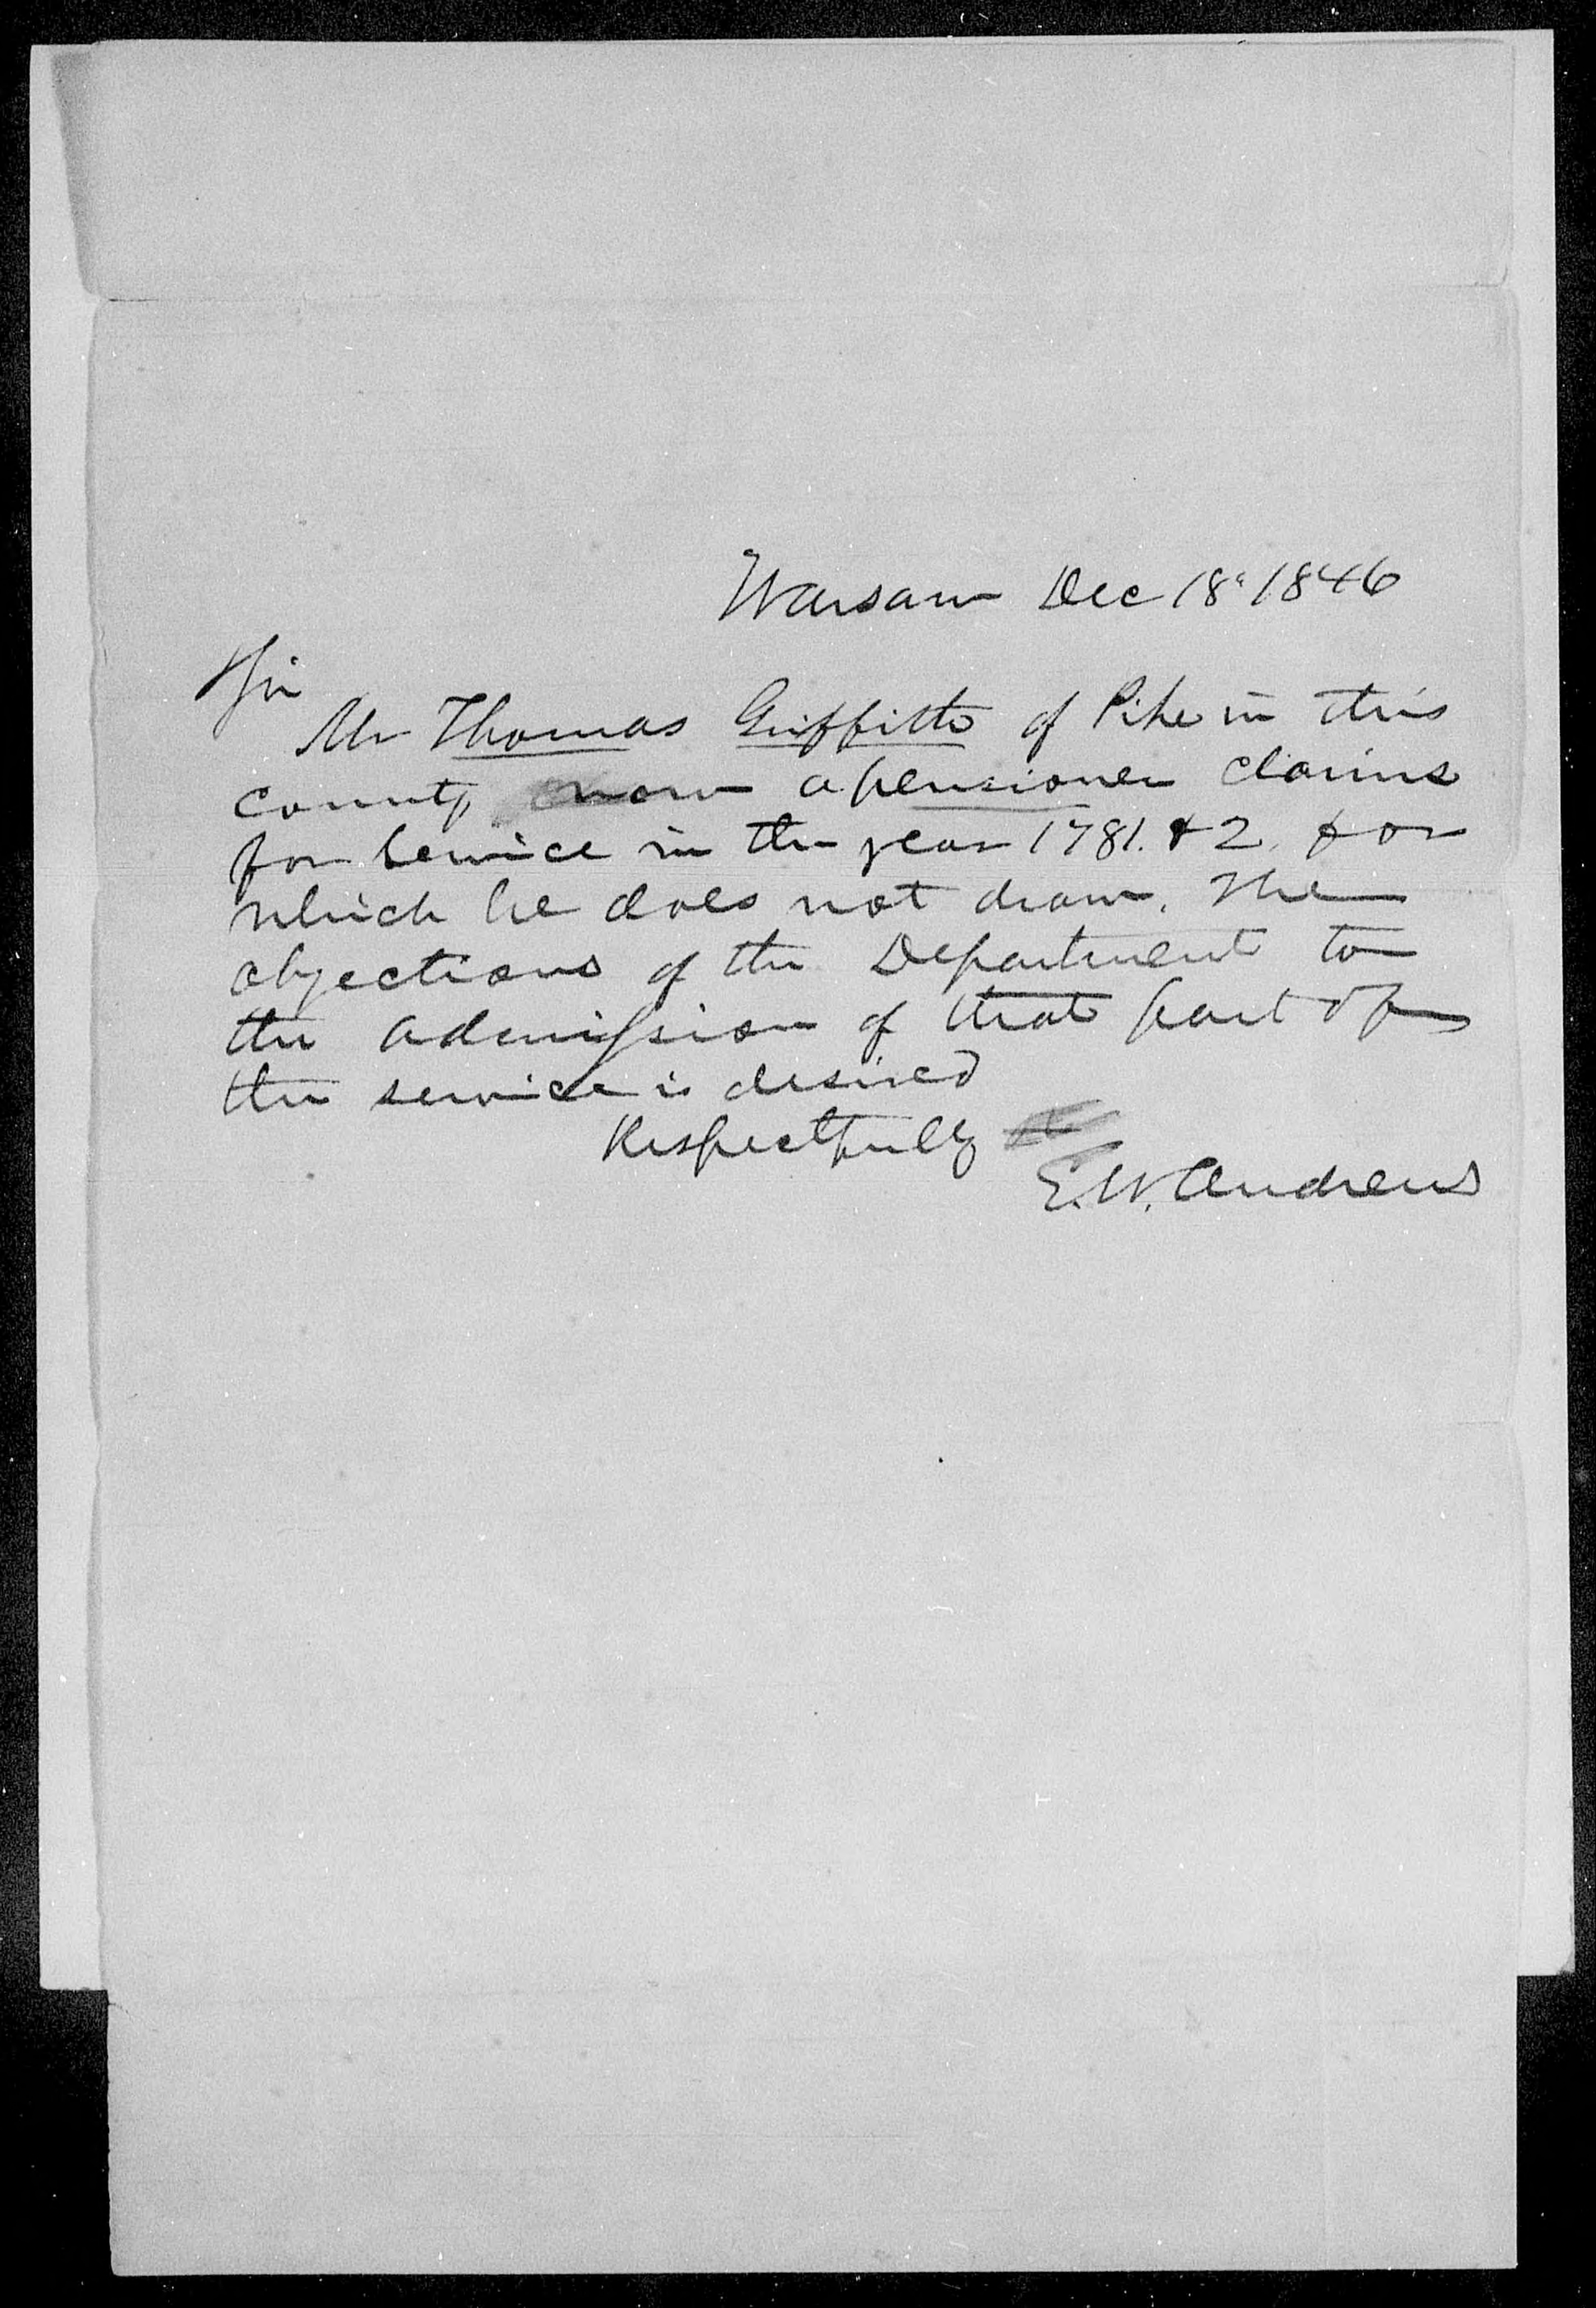Warsaw Dec 18" 1846

Sir
Mr Thomas Griffith of Pike in this county now a pensioner claims for service in the year 1781 &2 for which he does not draw. The objections of the Department to the admission of that part of the service is dismissed
Respectfully
E. W. Andrews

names: E W Andrews, Thomas Griffith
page: 14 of 14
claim: survivor's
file: S. 23663, Thomas Griffith, New York Vt.